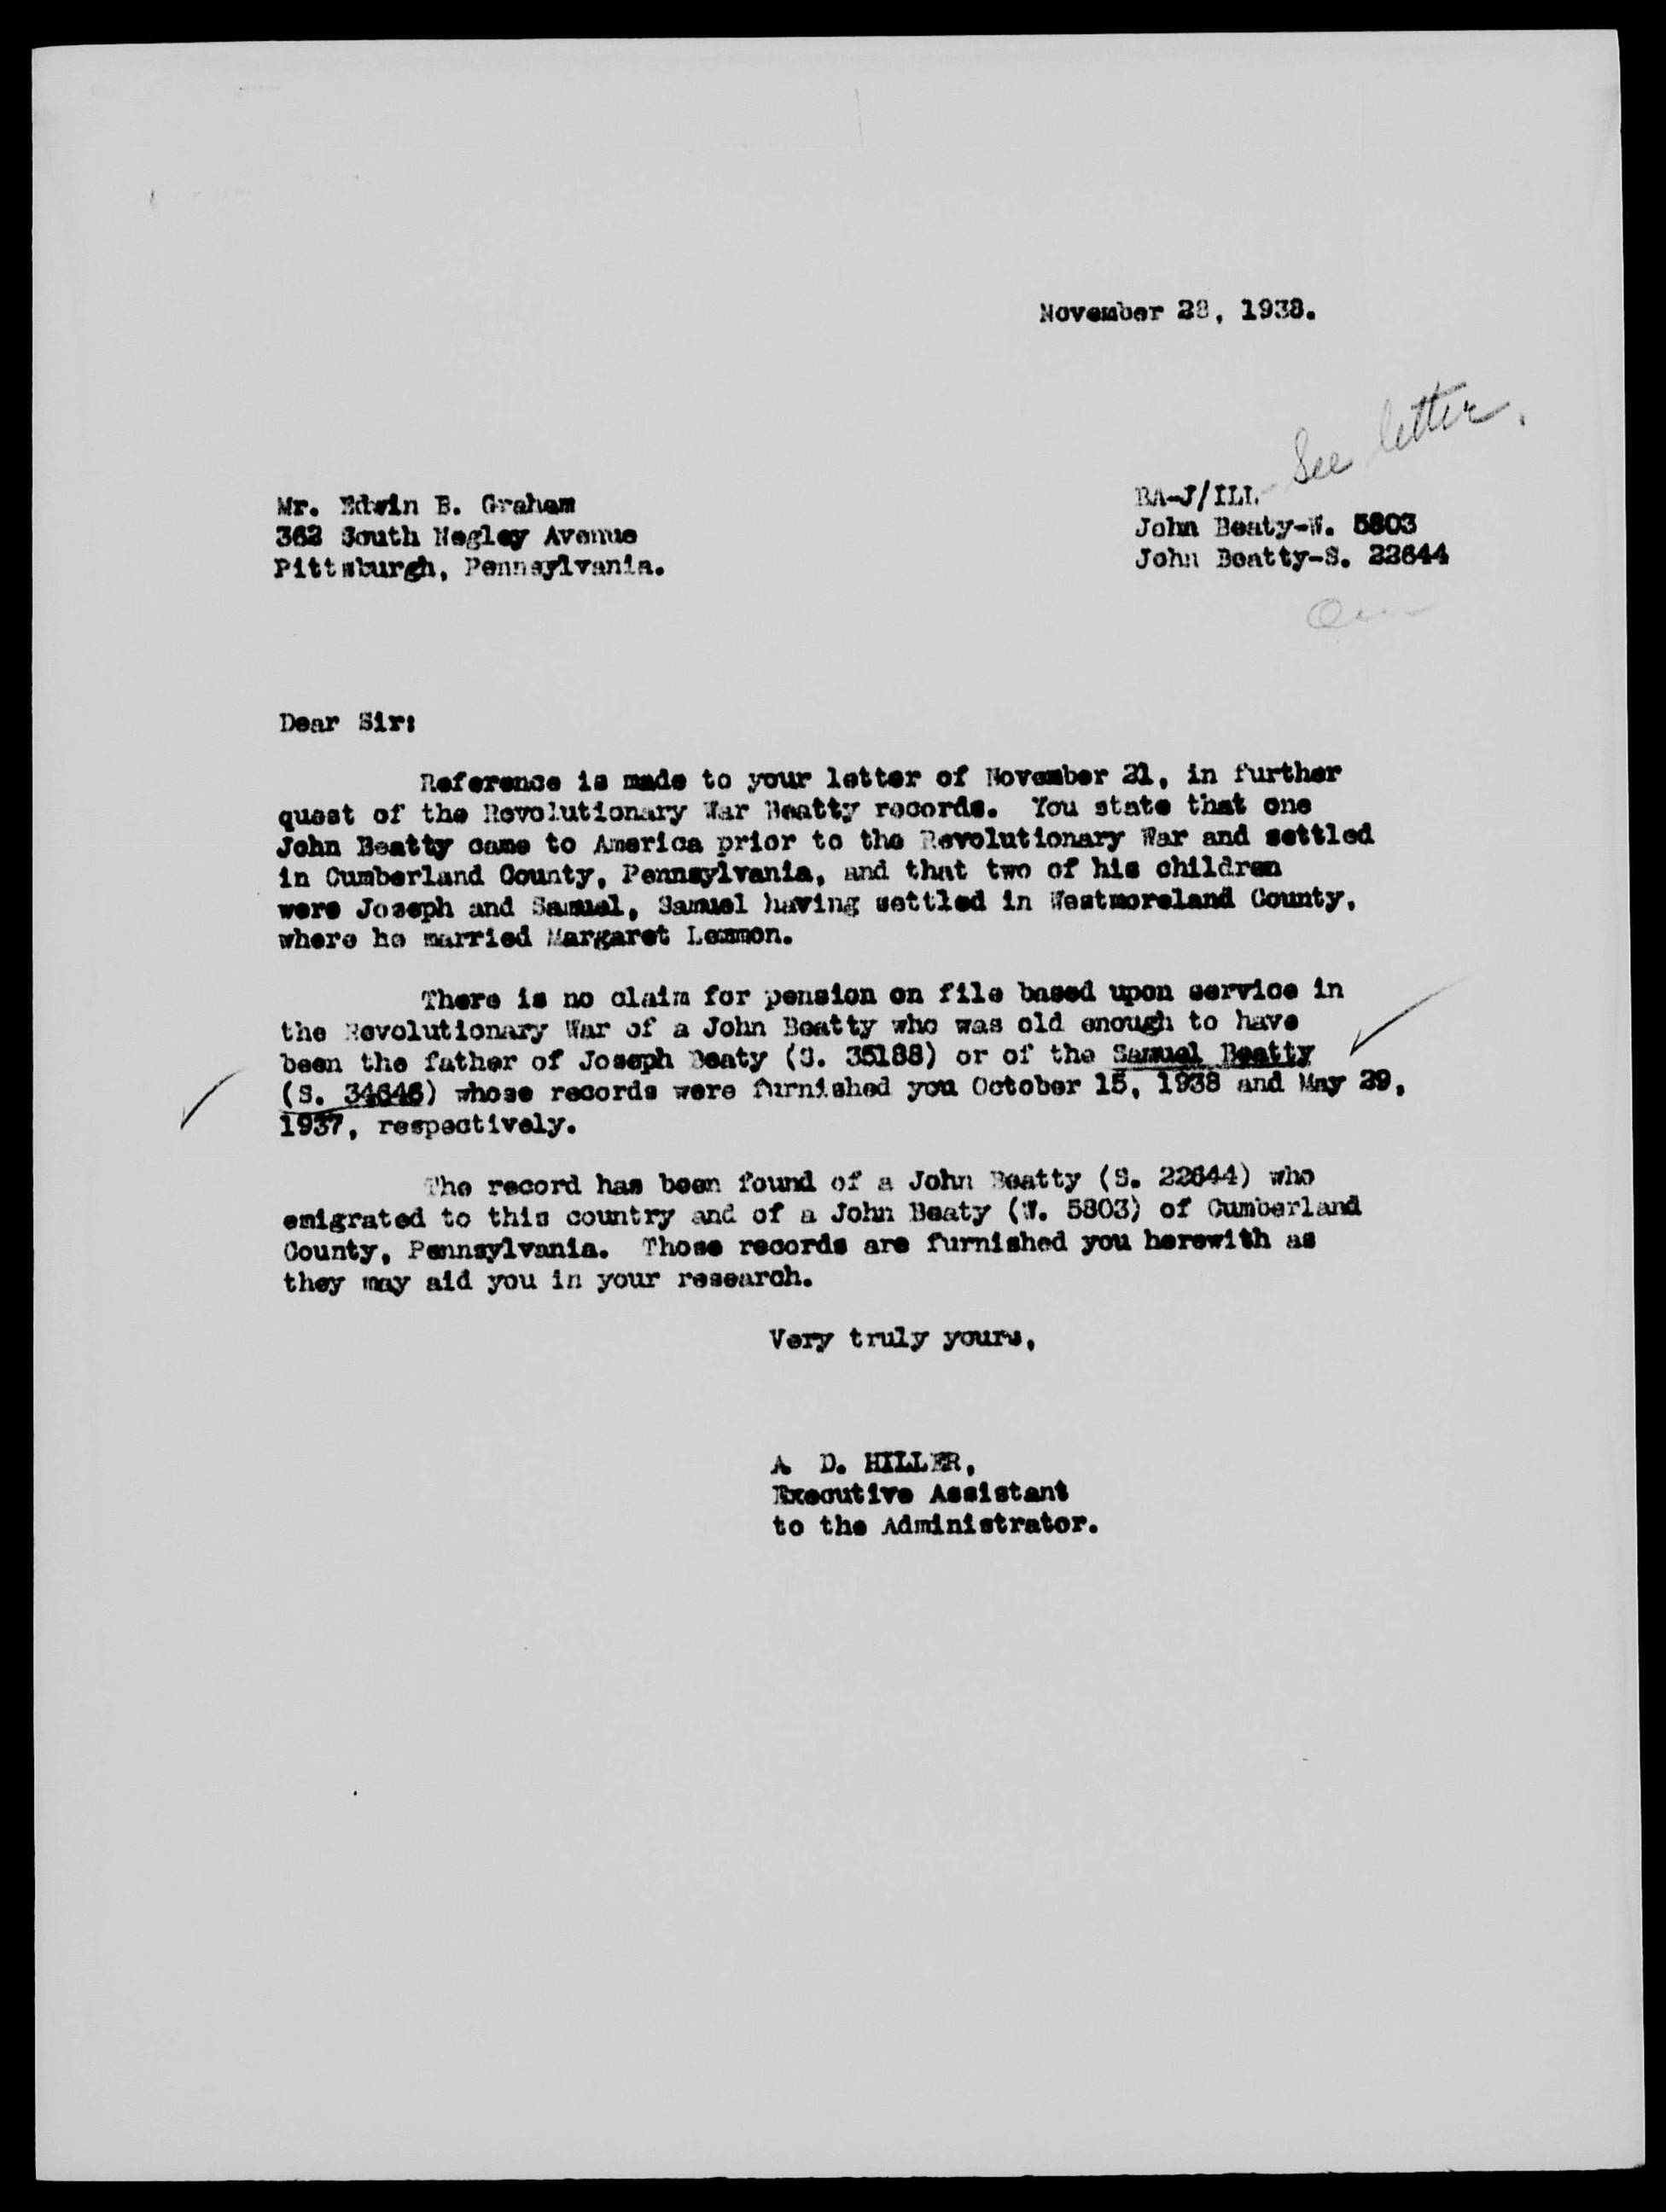November 28, 1938.

BA-J/ILL - See letter.
John Beaty-W. 5803
John Beatty-S. 22644

Mr. Edwin B. Graham
363 South Negley Avenue
Pittsburgh, Pennsylvania.

Dear Sir:

Reference is made to your letter of November 21, in further quest of the Revolutionary War Beatty records. You state that one John Beatty came to America prior to the Revolutionary War and settled in Cumberland County, Pennsylvania, and that two of his children were Joseph and Samuel, Samuel having settled in Westmoreland County, where he married Margaret Lemmon.

There is no claim for pension on file based upon service in the Revolutionary War of a John Beatty who was old enough to have been the father of Joseph Beaty (S. 35188) or of the Samuel Beatty (S. 34646) whose records were furnished you October 15, 1938 and May 29, 1937, respectively.

The record has been found of a John Beatty (S. 22644) who emigrated to this county and of a John Beaty (W. 5803) of Cumberland County, Pennsylvania. Those records are furnished you herewith as they may aid you in your research.

Very truly yours,

A. D. HILLER
Executive Assistant
to the Administrator.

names: Samuel, John Beaty, Edwin B Graham, John Beatty, John Beatty, Margaret Lemmon, John Beaty, Samuel, A D Hiller, Samuel Beatty, Joseph, Joseph Beaty, John Beatty, John Beatty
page: 30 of 31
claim: survivor's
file: S. 34646, Samuel Beaty, Penn.